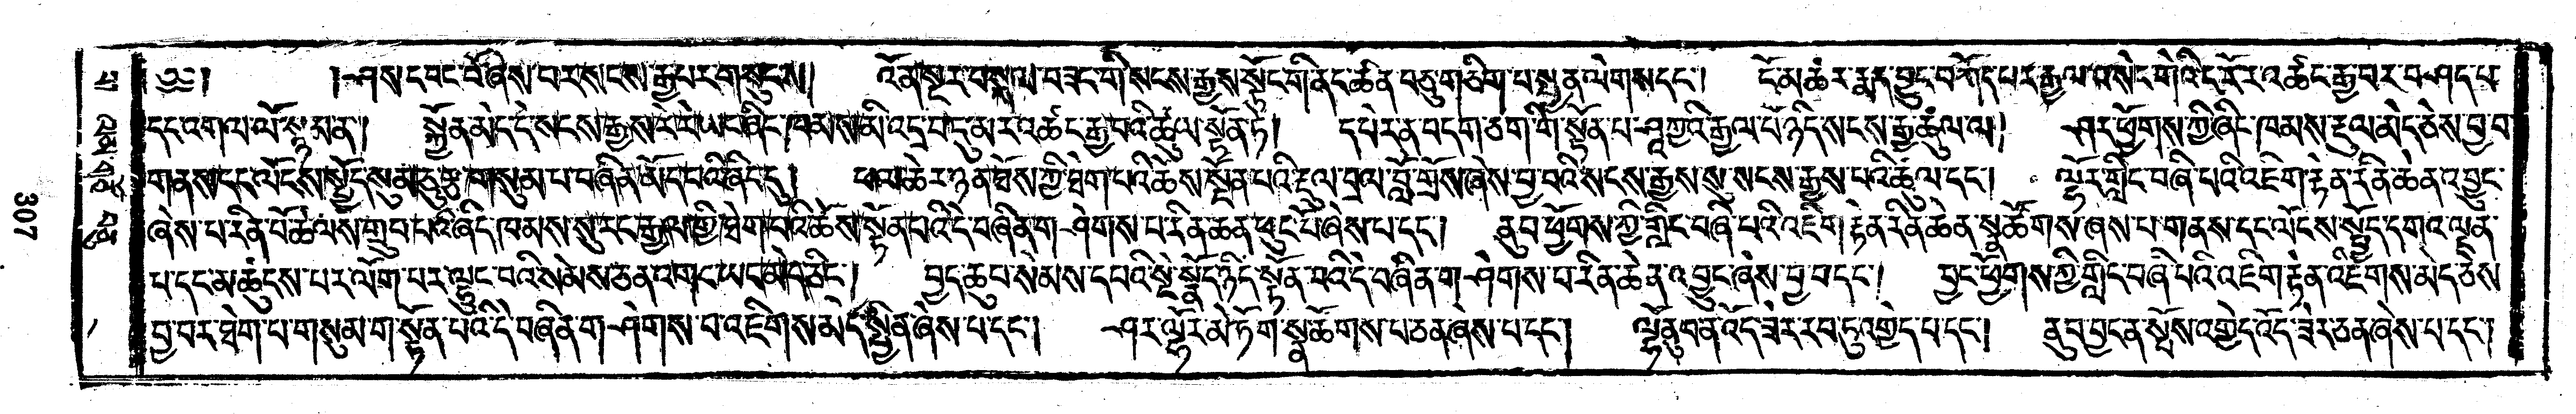༄༅། །ཤས་དབང་པོ་ཞེས་པར་སངས་རྒྱ་པར་གསུངས། འོན་སྔར་བསྐལ་བཟང་གི་སངས་རྒྱས་སྟོང་གི་ནང་ཚན་བཅུ་གཅིག་པ་སྤྱན་ལེགས་དང་། དོ་མཚར་རྨད་བྱུང་བཀོད་པར་རྒྱལ་བ་སེང་གེའི་ངོར་ར་འཚང་རྒྱ་བར་བཤད་པ་
དང་འགལ་ལོ་སྙམ་ན། སྐྱོན་མེད་དེ་སངས་རྒྱས་རེ་རེ་ཡང་ཞིང་ཁམས་མི་འདྲ་བ་དུ་མར་འཚང་རྒྱ་པའི་ཚུལ་སྟོན་ཏེ། དཔེར་ན་བདག་ཅག་གི་སྟོན་པ་ཤཱ་ཀྱའི་རྒྱལ་པ་ཉིད་སངས་རྒྱ་ཚུལ་ལ། ཤར་ཕྱོགས་ཀྱི་ཞིང་ཁམས་རྡུལ་མེད་ཅེས་བྱ་བ་
གནས་དང་ལོངས་སྤྱོད་སུམ་ཅུ་རྩ་གསུམ་པ་བཞིན་མོད་པའི་ཞིང་དུ། ཕལ་ཆེར་ཉན་ཐོས་ཀྱི་ཐེག་པའི་ཆོས་སྤོན་པའི་རྡུལ་བྲལ་བློ་གྲོས་ཞེས་བྱ་བའི་སངས་རྒྱས་སུ་སངས་རྒྱས་པའི་ཚུལ་དང་། ལྷོར་གླིང་བཞི་པའི་འཇིག་རྟེན་རིན་ཆེན་འབྱུང་
ཞེས་པ་རིན་པོ་ཆེ་ལས་གྲུབ་པའི་ཞིད་ཁམས་སུ་རང་རྒྱལ་གྱི་ཐེག་པའི་ཆོས་སྟོན་པའི་དེ་བཞིན་གཤེགས་པ་རིན་ཆན་ཕུང་པ་ཞེས་པ་དང་། ནུབ་ཕྱོགས་ཀྱི་གླིང་བཞི་པའི་འཇིག་རྟེན་རིན་ཆེན་སྣ་ཚོགས་ཞས་པ་གནས་དང་ལོངས་སྤྱོད་དགའ་ལྡན་
པ་དང་མཚུངས་པར་ལོག་པར་ལྷུང་པའི་སེམས་ཅན་འགང་ཡང་མེད་ཅིང་། བྱང་ཆུབ་སེམས་དཔའི་སྡེ་སྣོད་ཉིད་སྟོན་པའི་དེ་བཞིན་གཤེགས་པ་རིན་ཆེན་འབྱུང་ཞེས་བྱ་བ་དང་། བྱང་ཕྱོགས་ཀྱི་གླིང་པ་ཞི་པའི་འཇིག་རྟེན་འཇིགས་མེད་ཅེས་
བྱ་བར་ཐེག་པ་གསུམ་ག་སྟོན་པའི་དེ་བཞིན་གཤེགས་པ་འཇིགས་མེད་སྤྱིན་ཞེས་པ་དང་། ཤར་ལྷོར་མེ་ཏོག་སྣ་ཚོགས་པ་ཅན་ཞེས་པ་དང་། ལྷོ་ནུབ་ན་འོད་ཟེར་རབ་ཏུ་འགྱེད་པ་དང་། ནུབ་བྱང་ན་སྤོས་འགྱེད་འོད་ཟེར་ཅན་ཞེས་པ་དང་།